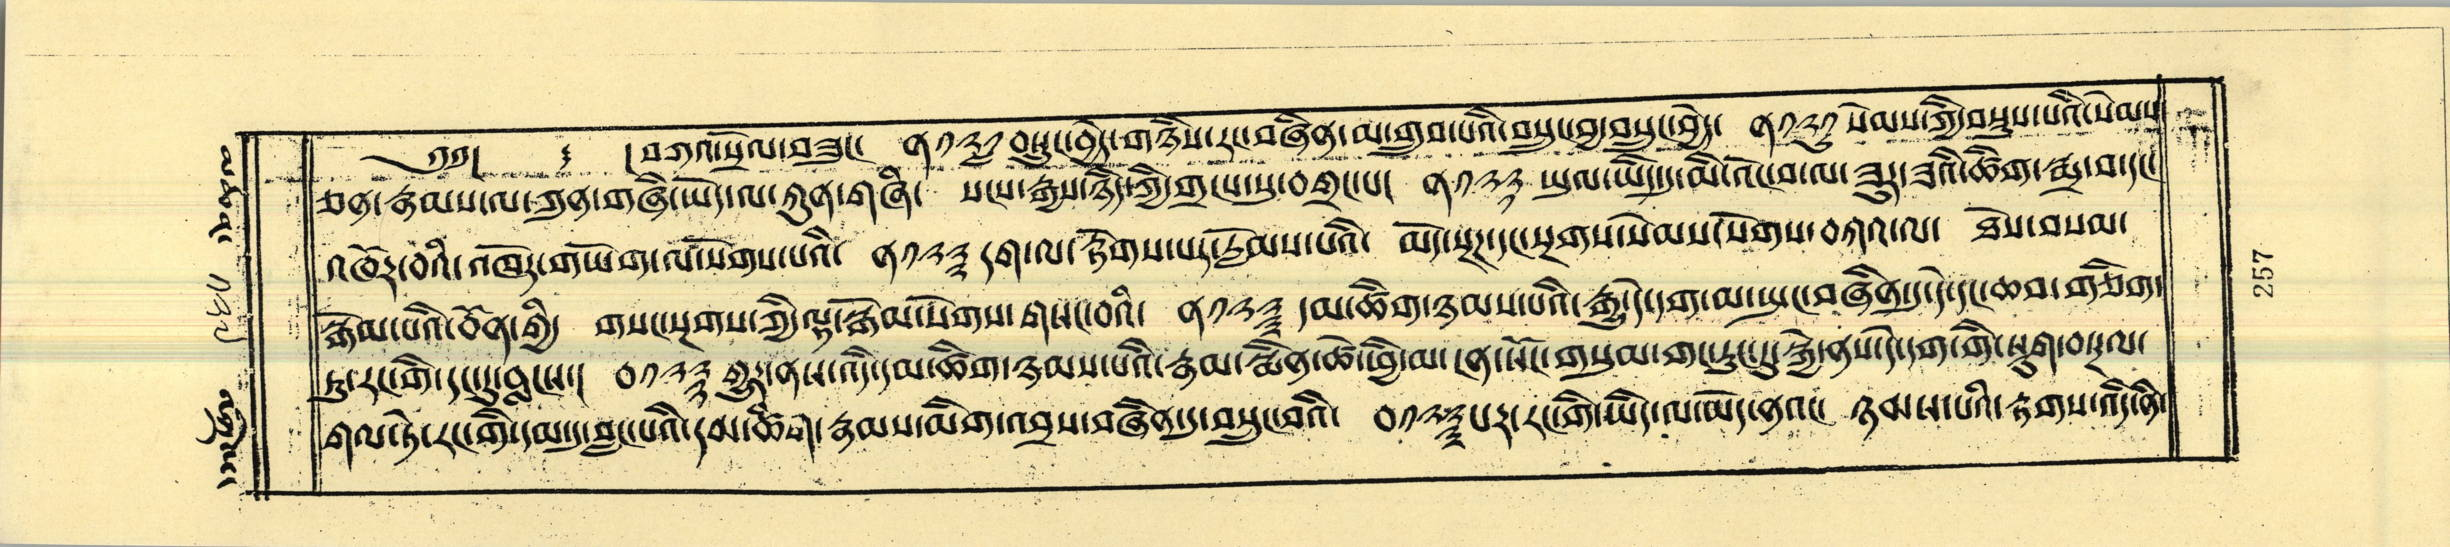བཀའ་སྲོལ་བཟུང། ན༡༢༡།༤ ༼བསྲུང་བྱེད་༽གཉིས་རང་བཞིན་མ་གྲུབ་པའི་བསྲུང་བྱ་བསྲུང་བྱེད། ན༡༢༡།༦ སེམས་ཀྱི་བསྡུས་པའི་སེམས་
ཅན་རྣམས་ལ་ཀུན་གཞི་ཡོད་ལ་ ༼ཀུན་གཞི་༽སངས་རྒྱས་ཉིད་ཀྱི་གྲངས་སུ་ ༼བགྲང་པ།༽ན༡༢༢།༡ ཡུལ་ཡིད་དུ་མི་འོང་བ་ལ་ ༼ཟུར་༽ཟའི་ཚིག་སྨྲ་བ་དང་ 
འཁོར་བའི་༽འཁོར་གཡོག་ལ་སོགས་པའི་ན༡༢༢།༢ ༼དག་ལ་༽རྟོགས་པར་རློམས་པའི། མདོ་སྔགས་དང་སྔགས་སེམས་སོགས་ ༼བཀའ་ལ་༽ཐོས་བསམ་
སྒོམ་པའི་ ༼བོན་གྱི་༽གསང་སྔགས་ཀྱི་ལྟ་སྒོམ་སོགས་ ༼གསང་བའི་༽ན༡༢༢།༣ དམ་ཚིག་ཉམས་པའི་རྒྱུ་དེ་དག་མ་སྤང་བཞིན་དུ་དེ་དང་ཆབ་གཅིག་
ཏུ་རང་གི་ ༼དང་དུ་བླངས་༽བ༡༢༢།༢ ༼གྱུར་ནས་༽འདི་དམ་ཚིག་ཉམས་པའི་རྣམ་སྨིན་ཚེ་ཕྱི་མ་ ༼ངན་སོང་༽གསུམ་གང་རུང་དུ་སྐྱེ་ནས་དེ་དག་གི་ ༼སྡུག་བསྔལ་
གལ་ཏེ་༽རང་གི་དམ་དུ་བླང་བའི་ ༼དམ་ཚིག་༽རྣམས་མིག་འབྲས་བཞིན་དུ་བསྲུང་བའི། བ༡༢༢།༣ ༼པར་༽རང་གི་ཡིད་ལ་ཡོད་ནའང། ༼ཉམས་པའི་༽རྟགས་འདི་ནི་